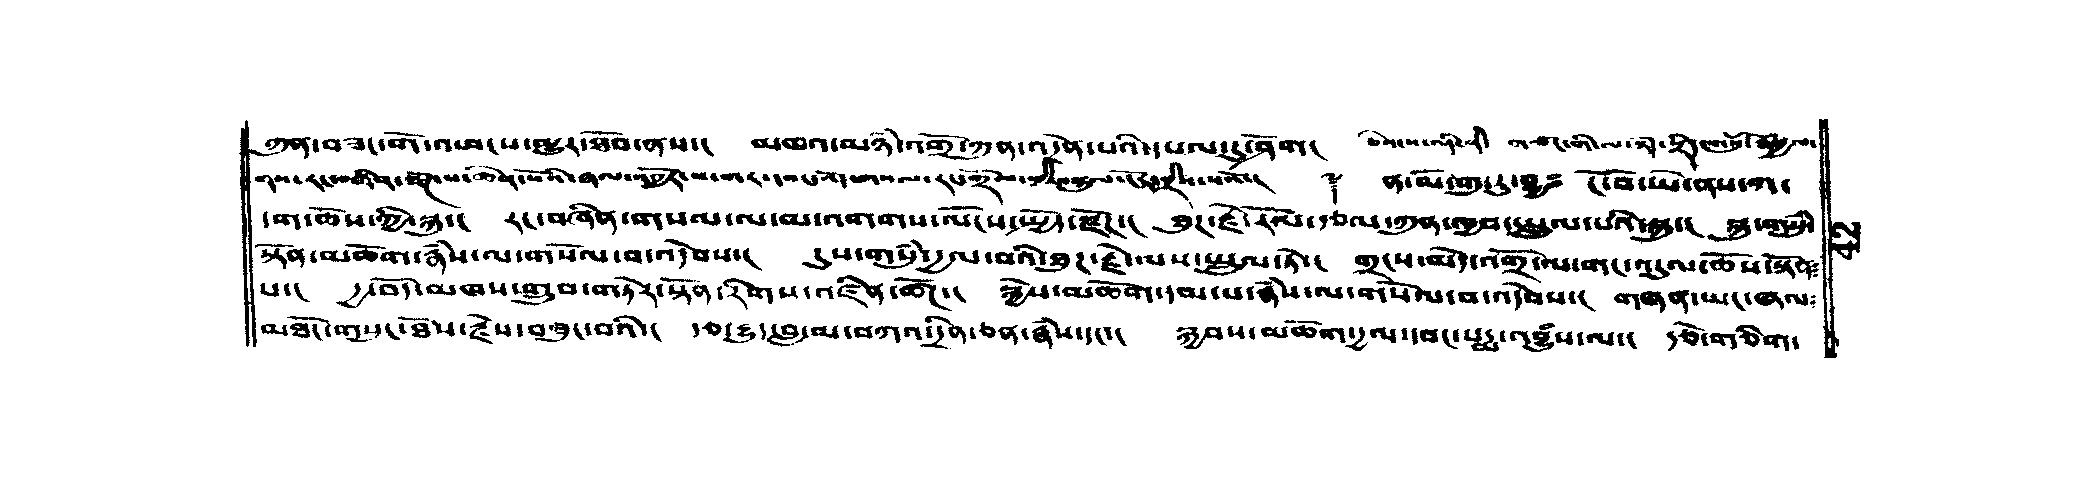ཀུན་བཟང་གོ་འཕང་མྱུར་ཐོབ་ནས། །མཁའ་མཉམ་འགྲོ་ཀུན་འདྲེན་པའི་དཔལ་དུ་ཤོག ཅེས་པ་འདི་ནི་གཙང་གི་ལ་སྟོད་སྲིད་གསུམ་རྣམ་རྒྱལ་
ནས་རང་བཞིན་རྫོགས་པ་ཆེན་པོའི་རྣམ་འབྱོར་པ་གར་དབང་འོད་གསལ་རང་གྲོལ་གྱི་བསྐུལ་ངོར་བྲིས་པའོ།། ༈ ན་མོ་གུ་རུ་བྷྱཿ ངོ་བོ་ཡེ་ནས་ཀ་
དག་ཆོས་ཀྱི་སྐུ། །རང་བཞིན་གསལ་ལ་མ་འགགས་ལོངས་སྤྱོད་རྫོགས། །ཐུགས་རྗེ་རོལ་རྩལ་ཀུན་ཁྱབ་སྤྲུལ་པའི་སྐུ། །སྐུ་གསུམ་
སྟོན་མཆོག་རྣམས་ལ་གསོལ་བ་འདེབས། །དུས་གསུམ་རྒྱལ་བའི་ཐུགས་རྗེ་ལས་སྤྲུལ་ཏེ། །གྲངས་མེད་འགྲོ་ལ་གང་འདུལ་ཆོས་སྟོན་
པ། །རྒྱ་བོད་མཁས་གྲུབ་གཏེར་སྟོན་རིག་འཛིན་ཚོགས། །སྐྱེས་མཆོག་དམ་པ་རྣམས་ལ་གསོལ་བ་འདེབས། །གཞན་ཡང་ཞལ་
མཐོང་གསུང་ཐོས་རྗེས་བཟུང་བའི། །རྩ་རྒྱུད་བླ་མ་བཀའ་དྲིན་ཅན་རྣམས་དང་། །སྐྱབས་མཆོག་རྒྱལ་དབང་པདྨ་འབྱུང་གནས་ལ། །རྩེ་གཅིག་